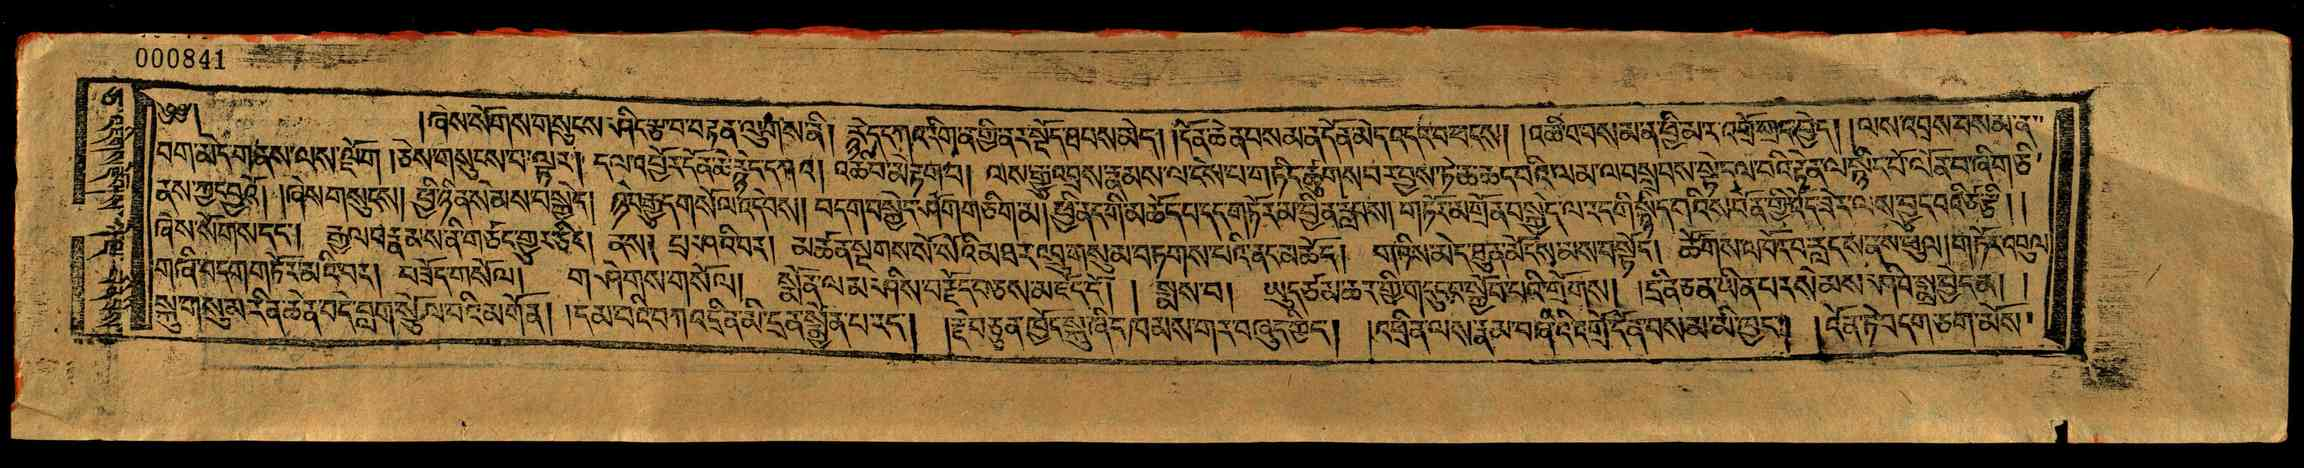༄༅། །ཞེས་སོགས་གསུངས་ཤིང་རྩ་བ་བརྟན་ལུགས་ནི། རྙེད་དཀའ་རིག་ན་གྱི་ནར་སྡོད་ཐབས་མེད། །དོན་ཆེན་བསམ་ན་དོན་མེད་འདའ་བ་ཕངས། །འཆི་བ་བསམ་ན་ཕྱི་མར་འགྲོ་གྲབ་བྱེད། །ལས་འབྲས་བསམ་ན་
བག་མེད་གནས་ལས་ལྡོག །ཅེས་གསུངས་པ་ལྟར། དལ་འབྱོར་དོན་ཆེ་རྙེད་དཀའ། འཆི་བ་མི་རྟག་པ། ལས་རྒྱུ་འབྲས་རྣམས་ལ་ངེས་པ་གཏིང་ཚུགས་པར་བྱས་ཏེ་ཆ་ཚང་བའི་ལམ་ལ་བསླབས་སྟེ་དལ་བའི་རྟེན་ལ་སྙིང་པོ་ལེན་པ་ཞིག་ཅི་
ནས་ཀྱང་བྱའོ། །ཞེས་གསུངས། ཕྱི་ཉིན་སེམས་བསྐྱེད། ཉེ་བརྒྱུད་གསོལ་འདེབས། བདག་བསྐྱེད་ཤོག་གཅིག་མ། ཕྱི་ནང་གི་མཆོད་པ་དང་གཏོར་མ་བྱིན་རླབས། གཏོར་མགྲོན་བསྐྱེད་ལ་རང་གི་སྙིང་གའི་ས་བོན་གྱི་འོད་ཟེར་ལས་བྱུང་བའི་ཙ་རྩི་ཀ་
ཞེས་སོགས་དང་། རྒྱལ་བ་རྣམས་ནི་གཙང་གྱུར་ཅིང་། ནས༑ པྲ་ཤའི་བར། མཚན་སྔགས་སོ་སོའི་མཐར་འབྲུ་གསུམ་བཏགས་པའི་ནང་མཆོད། གཉིས་མེད་ཐུན་མོངས་མས་བསྟོད། ཚོགས་འཁོར་བརླབས་ནས་ཕུལ། གཏོར་འབུལ་
གཞི་བདག་གཏོར་མའི་བར། བཟོད་གསོལ། གཤེགས་གསོལ། སྨོན་ལམ་ཤིས་བརྗོད་བཅས་མཛད་དོ། །སྨྲས་པ། ཡུད་ཙམ་ཆར་གྱི་གདུང་བ་སྐྱོབ་པའི་གྲོགས། །དྲིན་ཅན་ཡིན་པར་སེམས་ཤིང་སྨྲ་བྱེད་ན། །
སྐུ་གསུམ་རིན་ཆེན་བདེ་བླག་སྩོལ་བའི་མགོན། །དམ་པའི་བཀའ་དྲིན་མི་དྲན་སྨྱོན་པ་རང་། །རྗེ་བཙུན་ཁྱོད་སྐུ་ཞིང་ཁམས་གར་བཞུད་ཀྱང་། །འཕྲིན་ལས་རྣམ་བཞིའི་འགྲོ་དོན་བསམ་མི་ཁྱབ། །འོན་ཏེ་བདག་ཅག་མོས་